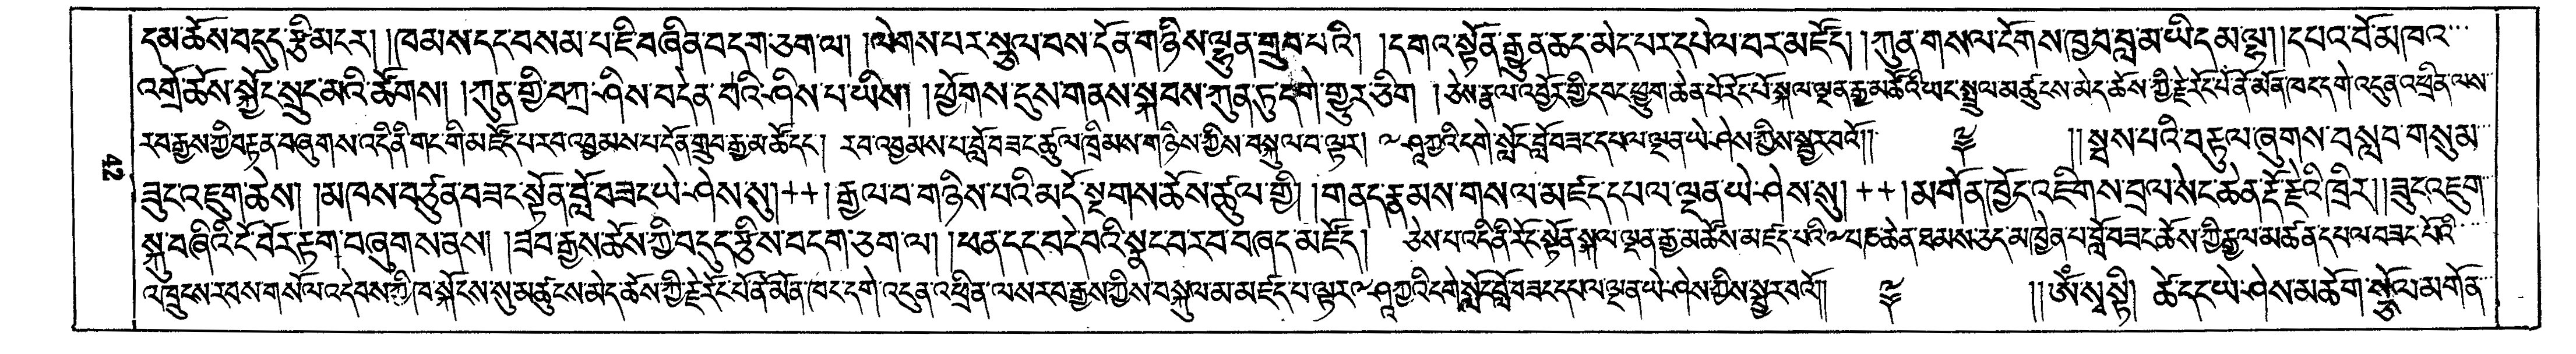དམ་ཆོས་བདུང་རྩི་མངར། །ཁམས་དང་བསམ་བ་ཇི་བཞིན་བདག་ཅག་ལ། །ལེགས་པར་སྩལ་བས་དོན་གཉིས་ལྷུན་གྲུབ་པའི། །དགའ་སྟོན་རྒྱུན་ཆད་མེད་པར་འཕེལ་བར་མཛོད། །ཀུན་གསལ་ངོགས་ཁྱབ་བླ་མ་ཡི་དམ་ལྷ། །དཔའ་བོ་མཁའ་
འགྲོ་ཆོས་སྐྱོང་སྲུང་མའི་ཚོགས། །ཀུན་གྱི་བཀྲ་ཤིས་བདེན་པའི་ཤིས་པ་ཡིས། །ཕྱོགས་དུས་གནས་སྐབས་ཀུན་ཏུ་དགེ་གྱུར་ཅིག། ཅེས་རྣལ་འབྱོར་གྱི་དབང་ཕྱུག་ཆེན་པོ་རོང་བོ་སྐལ་ལྡན་རྒྱ་མཚོའི་ཡང་སྤྲུལ་མཚུངས་མེད་ཆོས་ཀྱི་རྗེ་རོང་བོ་ནོ་མོན་ཁང་དགེ་འདུན་འཕྲིན་ལས་
རབ་རྒྱས་ཀྱི་བརྟན་བཞུགས་འདི་ནི་གང་གི་མཛོད་པ་རབ་འབྱམས་པ་དོན་གྲུབ་རྒྱ་མཚོ་དང་། རབ་འབྱམས་པ་བློ་བཟང་ཚུལ་ཁྲིམས་གཉིས་ཀྱིས་བསྐུལ་བ་ལྟར། ༧ཤཱཀྱའི་དགེ་སློང་བློ་བཟང་དཔལ་ལྡན་ཡེ་ཤེས་ཀྱིས་སྦྱར་བའོ།། ༈ །།སྦབས་པའི་བརྟུལ་ཞུགས་བསླབ་གསུམ་
ཟུང་འཇུག་ཆེས། །མཁས་བཙུན་བཟང་སྟོན་བློ་བཟང་ཡེ་ཤེས་སུ། ++་།རྒྱལ་བ་གཉིས་པའི་མདོ་སྔགས་ཆོས་ཚུལ་གྱི། །གནད་རྣམས་གསལ་མཛད་དཔལ་ལྡན་ཡེ་ཤེས་སུ། ++་།མགོན་ཁྱོད་འཇིགས་བྲལ་སེང་ཆེན་རྡོ་རྗེའི་ཁྲིར། །ཟུང་འཇུག་
སྐུ་བཞིའི་ངོ་བོར་རྟག་བཞུགས་ནས། །ཟབ་རྒྱས་ཆོས་ཀྱི་བདུད་རྩིས་བདག་ཅག་ལ། །ཕན་དང་བདེ་བའི་སྣང་བ་རབ་བཞད་མཛོད། ཅེས་བ་འདི་ནི་རོང་སྟོན་སྐལ་ལྡན་རྒྱ་མཚོས་མཛད་པའི ༧པཎ་ཆེན་ཐམས་ཅད་མཁྱེན་བ་བློ་བཟང་ཆོས་ཀྱི་རྒྱལ་མཚན་དཔལ་བཟང་པོའི་
འཁྲུངས་རབས་གསོལ་འདེབས་ཀྱི་ཁ་སྐོངས་སུ་མཚུངས་མེད་ཆོས་ཀྱི་རེ་རོང་པོ་ནོ་མོན་ཁང་དགེ་འདུན་འཕྲིན་ལས་རབ་རྒྱས་ཀྱིས་བསྐུལ་མ་མཛད་པ་ལྟར ༧ཤཱཀྱའི་དགེ་སློང་བློ་བཟང་དཔལ་ལྡན་ཡེ་ཤེས་ཀྱིས་སྦྱར་བའོ།། ༈ །།ཨོཾ་སྭ་སྟི། ཚེ་དང་ཡེ་ཤེས་མཆོག་སྩོལ་མགོན་